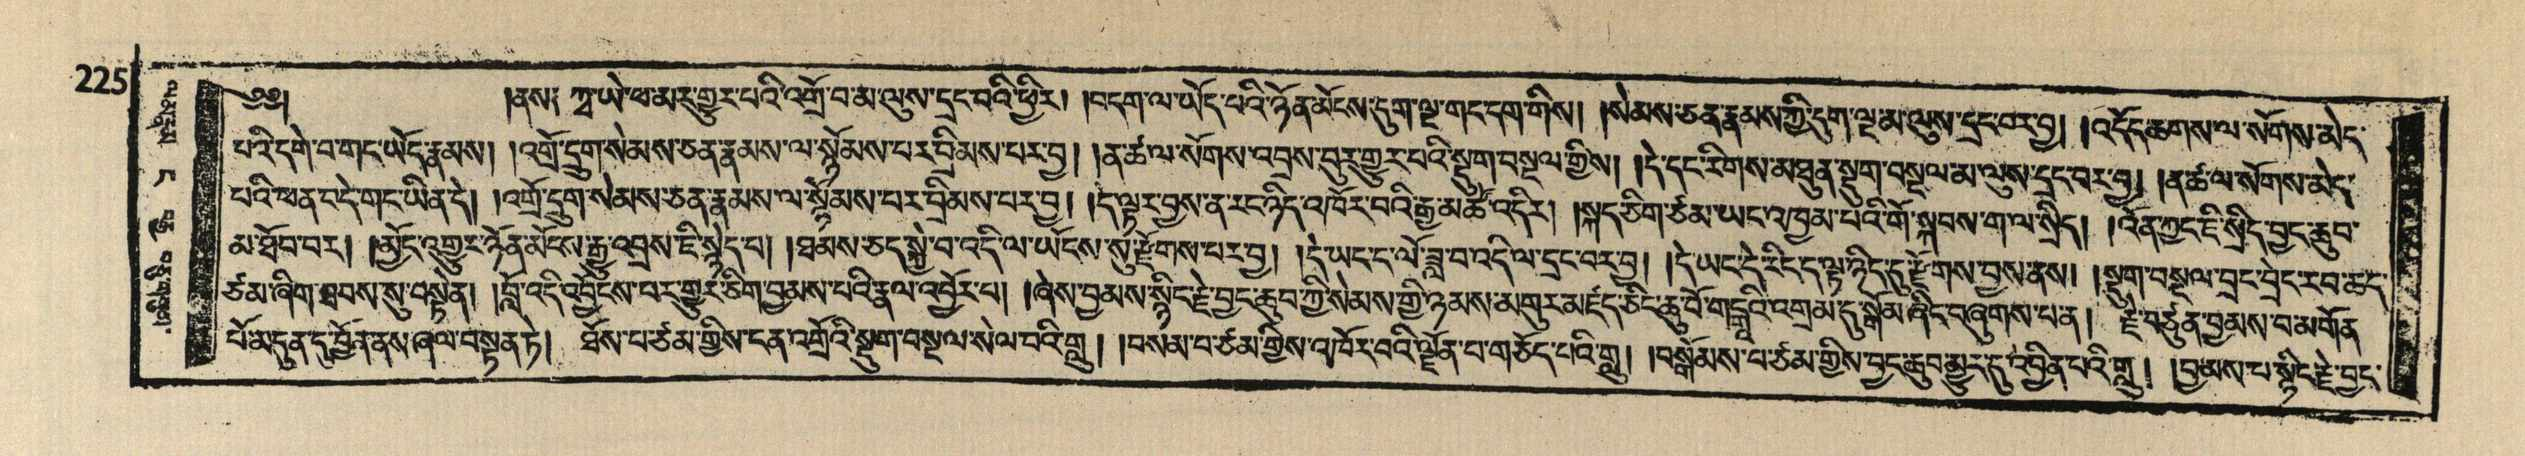༄༅། །ནས༑ ཀྭ་ཡེ་ཕ་མར་གྱུར་པའི་འགྲོ་བ་མ་ལུས་དྲང་བའི་ཕྱིར། །བདག་ལ་ཡོད་པའི་ཉོན་མོངས་དུག་ལྔ་གང་དག་གིས། །སེམས་ཅན་རྣམས་ཀྱི་དུག་ལྔ་མ་ལུས་དྲང་བར་བྱ། །འདོད་ཆགས་ལ་སོགས་མེད་
པའི་དགེ་བ་གང་ཡོད་རྣམས། །འགྲོ་དྲུག་སེམས་ཅན་རྣམས་ལ་སྙོམས་པར་བྲིམས་པར་བྱ། །ན་ཚ་ལ་སོགས་འབྲས་བུར་གྱུར་པའི་སྡུག་བསྔལ་གྱིས། །དེ་དང་རིགས་མཐུན་སྡུག་བསྔལ་མ་ལུས་དྲང་བར་བྱ། །ན་ཚ་ལ་སོགས་མེད་
པའི་ཕན་བདེ་གང་ཡིན་དེ། །འགྲོ་དྲུག་སེམས་ཅན་རྣམས་ལ་སྙོམས་པར་བྲིམས་པར་བྱ། །དེ་ལྟར་བྱས་ན་རང་ཉིད་འཁོར་བའི་རྒྱ་མཚོ་འདིར། །སྐད་ཅིག་ཙམ་ཡང་འཁྱམ་པའི་གོ་སྐབས་ག་ལ་སྲིད། །འོན་ཀྱང་ཇི་སྲིད་བྱང་ཆུབ་
མ་ཐོབ་བར། །མྱོང་འགྱུར་ཉོན་མོངས་རྒྱུ་འབྲས་ཇི་སྙེད་པ། །ཐམས་ཅད་སྐྱེ་བ་འདི་ལ་ཡོངས་སུ་རྫོགས་པར་བྱ། །དེ་ཡང་ང་ལོ་ཟླ་བ་འདི་ལ་དྲང་བར་བྱ། །དེ་ཡང་དེ་རིང་ད་ལྟ་ཉིད་དུ་རྫོགས་བྱས་ནས། །སྡུག་བསྔལ་བྲང་བྲེང་རབ་ཆད་
ཙམ་ཞིག་ཐབས་སུ་བསྟེན། །བློ་འདི་འབྱོངས་པར་གྱུར་ཅིག་བྱམས་པའི་རྣལ་འབྱོར་པ། །ཞེས་བྱམས་སྙིང་རྗེ་བྱང་ཆུབ་ཀྱི་སེམས་གྱི་ཉམས་མགུར་མཛད་ཅིང་ཆུ་བོ་གངྒཱའི་འགྲམ་དུ་སྒོམ་ཞིང་བཞུགས་པ་ན། རྗེ་བཙུན་བྱམས་བ་མགོན་
པོ་མདུན་དུ་བྱོན་ནས་ཞལ་བསྟན་ཏེ། ཐོས་པ་ཙམ་གྱིས་ངན་འགྲོའི་སྡུག་བསྔལ་སེལ་བའི་གླུ། །བསམ་བ་ཙམ་གྱིས་འཁོར་བའི་ལྗོན་པ་གཅོད་པའི་གླུ། །བསྒོམས་པ་ཙམ་གྱིས་བྱང་ཆུབ་མྱུར་དུ་འབྱིན་པའི་གླུ། །བྱམས་པ་སྙིང་རྗེ་བྱང་